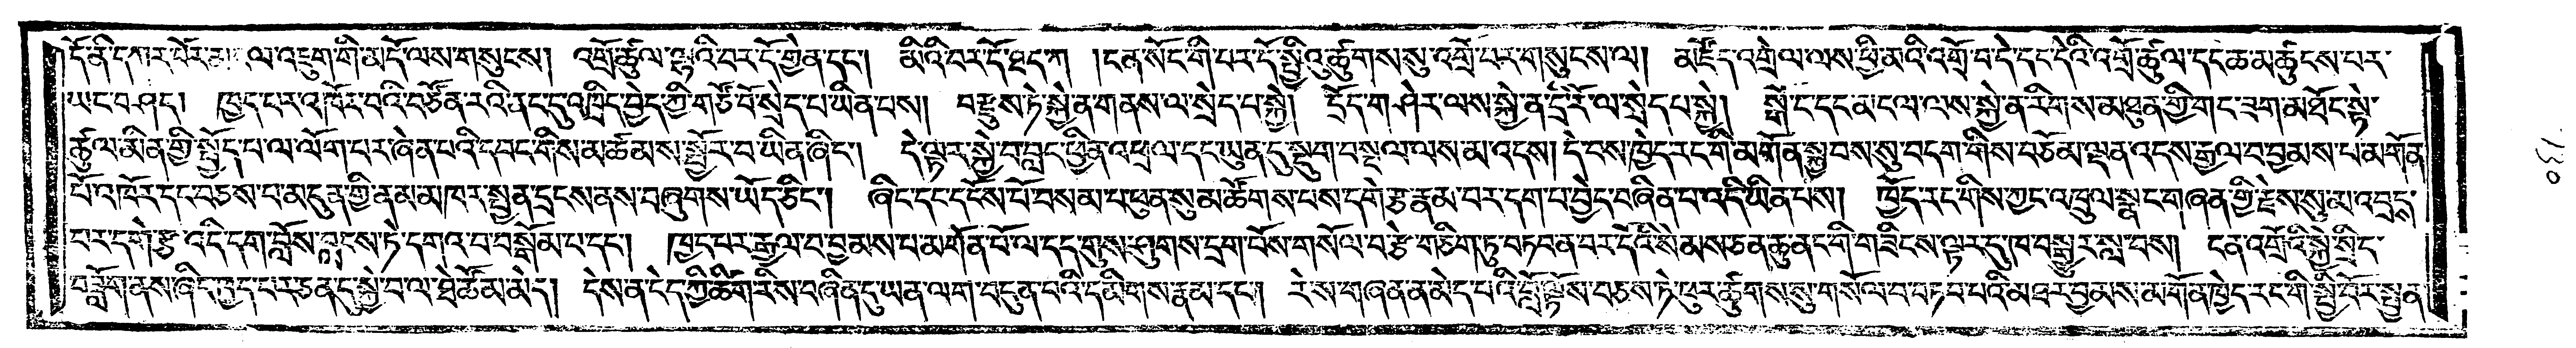དོ་ནི་དཀར་པོར་མངལ་འཇུག་གི་མདོ་ལས་གསུངས། འགྲོ་ཚུལ་ལྷའི་བར་དོ་གྱེན་དང་། མིའི་བར་དོ་ཐད་ཀ །ངན་སོང་གི་བར་དོ་སྤྱིའུ་ཚུགས་སུ་འགྲོ་བར་གསུངས་ལ། མཛོད་འགྲེལ་ལས་ཕྱི་མའི་འགྲོ་བ་དེ་དང་དེའི་འགྲོ་ཚུལ་དང་ཆ་མཚུངས་པར་
ཡང་བཤད། ཁྱད་པར་འཁོར་བའི་བཙོན་རའི་ནང་དུ་འཁྲིད་བྱེད་ཀྱི་གཙོ་བོ་སྲེད་པ་ཡིན་པས། བརྫུས་ཏེ་སྐྱེན་གནས་ལ་སྲེད་པ་སྐྱེ། དྲོད་གཤེར་ལས་སྐྱེ་ན་དྲི་རོ་ལ་སྲེད་པ་སྐྱེ། སྒོ་ང་དང་མངལ་ལས་སྐྱེ་ན་རིགས་མཐུན་གྱི་གང་ཟག་མཐོང་སྟེ་
ཚུལ་མིན་གྱི་སྤྱོད་པ་ལ་ལོག་པར་ཞེན་པའི་དབང་གིས་མཚམས་སྦྱོར་བ་ཡིན་ཞིང་། དེ་ལྟར་སྐྱེ་བ་བླང་ཕྱིན་འཕྲལ་དང་ཡུན་དུ་སྡུག་བསྔལ་ལས་མ་འདས། དེ་བས་ཁྱེད་རང་གི་མགོན་སྐྱབས་སུ་བདག་གིས་བཅོམ་ལྡན་འདས་རྒྱལ་བ་བྱམས་པ་མགོན་
པོ་འཁོར་དང་བཅས་པ་མདུན་གྱི་ནམ་མཁར་སྤྱན་དྲངས་ནས་བཞུགས་ཡོད་ཅིང་། ཞིང་དང་དངོས་པོ་བསམ་པ་ཕུན་སུམ་ཚོགས་པས་དགེ་རྩ་རྣམ་པར་དག་བ་བྱེད་བཞིན་པ་འདི་ཡིན་པས། ཁྱོད་རང་གིས་ཀྱང་འཁྲུལ་སྣང་གཞན་གྱི་རྗེས་སུ་མ་འབྲངས་
པར་དགེ་རྩ་འདི་དག་བློས་བླངས་ཏེ་དགའ་བ་བསྒོམ་པ་དང་། ཁྱད་པར་རྒྱལ་བ་བྱམས་པ་མགོན་པོ་ལ་དད་གུས་ཤུགས་དྲག་པོས་གསོལ་བ་རྩེ་གཅིག་ཏུ་བཏབ་ན་བར་དོའི་སེམས་ཅན་ཆུ་ནང་གི་གཟིངས་ལྟར་དུ་ཁ་བསྒྱུར་སླ་བས། ངན་འགྲོའི་སྐྱེ་སྲིད་
བཟློག་ནས་ཞིང་ཁྱད་པར་ཅན་དུ་སྐྱེ་བ་ལ་ཐེ་ཚོམ་མེད། དེས་ན་ངེད་ཀྱི་ཚིག་རིས་བཞིན་དུ་ཡན་ལག་བདུན་བའི་དམིགས་རྣམ་དང་། རེས་གཞན་ན་མེད་པའི་བློ་ལྟོས་བཅས་ཏེ་ཕུར་ཚུགས་སུ་གསོལ་བ་བཏབ་པའི་མཐར་བྱམས་མགོན་ཁྱེད་རང་གི་སྤྱི་བོར་སྤྱན་